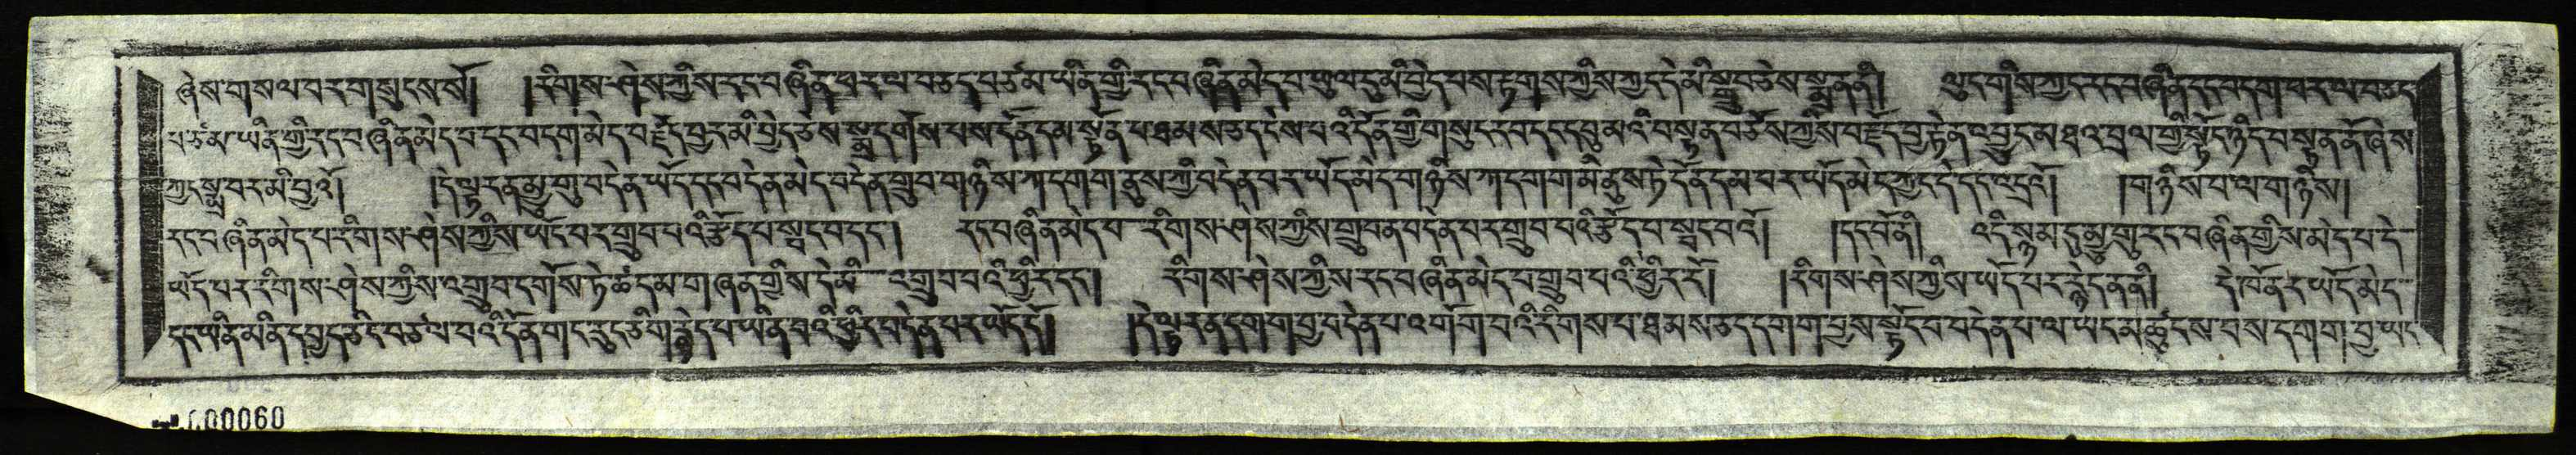ཞེས་གསལ་བར་གསུངས་སོ། །རིགས་ཤེས་ཀྱིས་རང་བཞིན་ཕར་ལ་བཅད་པ་ཙམ་ཡིན་གྱི་རང་བཞིན་མེད་པ་ཡུལ་དུ་མི་བྱེད་པས་རྟགས་ཀྱིས་ཀྱང་དེ་མི་སྒྲུབ་ཅེས་སྨྲན་ནི། ལུང་གིས་ཀྱང་རང་བཞིན་དང་བདག་བར་ལ་བཅད་
པ་ཙམ་ཡིན་གྱི་རང་བཞིན་མེད་པ་དང་བདག་མེད་བརྗོད་བྱར་མི་བྱེད་ཅེས་སྨྲ་དགོས་པས་དོན་དམ་སྟོན་པ་ཐམས་ཅད་ངེས་པའི་དོན་གྱི་གསུང་རབ་དང་དབུ་མའི་བསྟན་བཅོས་ཀྱིས་བརྗོད་བྱ་རྟེན་འབྱུང་མཐའ་བྲལ་གྱི་སྟོང་ཉིད་བསྟན་ནོ་ཞེས་
ཀྱང་སྨྲ་བར་མི་བྱའོ། །དེ་ལྟར་ན་མྱུ་གུ་བདེན་ཡོད་དང་བདེན་མེད་བདེན་གྲུབ་གཉིས་ཀ་དགག་ནུས་ཀྱི་བདེན་པར་ཡོད་མེད་གཉིས་ཀ་དགག་མི་ནུས་ཏེ་དོན་དམ་པར་ཡོད་མེད་ཀྱང་དེ་དང་འདྲའོ། །གཉིས་པ་ལ་གཉིས།
རང་བཞིན་མེད་པ་རིགས་ཤེས་ཀྱིས་ཡོང་བར་གྲུབ་པའི་རྩོད་པ་སྤང་བ་དང་། རང་བཞིན་མེད་པ་རིགས་ཤེས་ཀྱིས་གྲུབ་ན་བདེན་པར་གྲུབ་པའི་རྩོད་པ་སྤང་བའོ། །དང་པོ་ནི། འདི་སྙམ་དུ་མྱུ་གུ་རང་བཞིན་གྱིས་མེད་པ་དེ་
ཡོད་པར་རིགས་ཤེས་ཀྱིས་འགྲུབ་དགོས་ཏེ་ཚད་མ་གཞན་གྱིས་དེ་མི་འགྲུབ་པའི་ཕྱིར་དང་། རིགས་ཤེས་ཀྱིས་རང་བཞིན་མེད་པ་གྲུབ་པའི་ཕྱིར་རོ། །རིགས་ཤེས་ཀྱིས་ཡོད་པར་རྙེད་ན་ནི། དེ་ཁོ་ནར་ཡོད་མེད་
དང་ཡིན་མིན་དཔྱད་ཅིང་བཙལ་བའི་དོན་གང་རུང་ཅིག་རྙེད་པ་ཡིན་པའི་ཕྱིར་བདེན་པར་ཡོད་དོ། །དེ་ལྟར་ན་དགག་བྱ་བདེན་པ་འགོག་བའི་རིགས་པ་ཐམས་ཅད་དགག་བྱས་སྟོང་པ་བདེན་པ་ལ་ཡང་མཚུངས་པས་དགག་བྱ་ཡང་